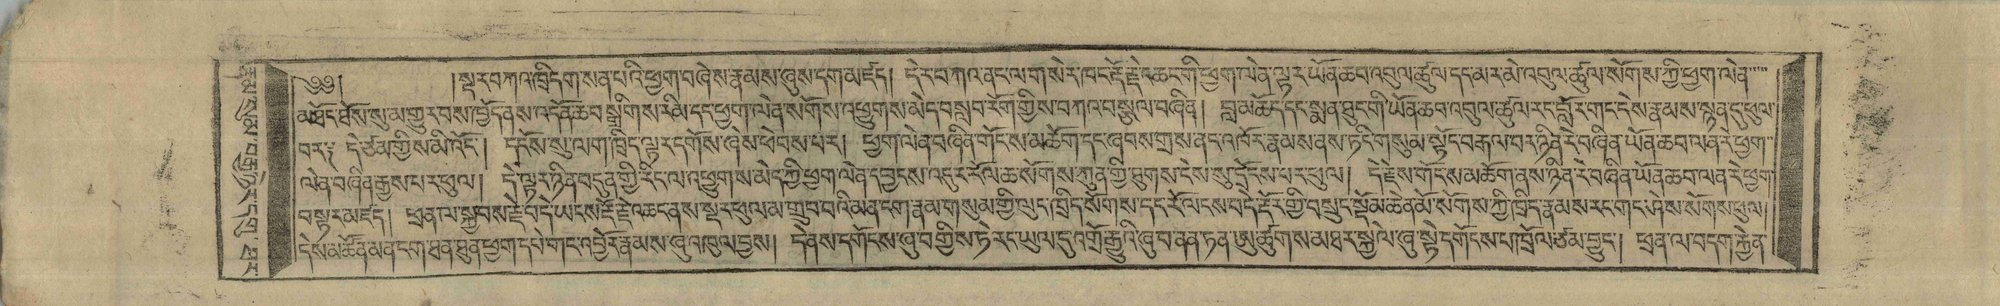༄༅། །སྔར་བཀའ་ཁྲིད་གསན་པའི་ཕྱག་བཞེས་རྣམས་ཞུས་དག་མཛད། དེར་བཀའ་ནང་ལ་གསེར་ཁང་རྡོ་རྗེ་འཆང་གི་ཕྱག་ལེན་ལྟར་ཡོན་ཆབ་འབུལ་ཚུལ་དང་མར་མེ་འབུལ་ཚུལ་སོགས་ཀྱི་ཕྱག་ལེན་
མཐོང་ཐོས་སུ་མ་གྱུར་བས་ཁྱོད་ནས་འདོན་ཆ་བསྒྲིགས་རིམ་དང་ཕྱག་ལེན་སོགས་འཕྱུགས་མེད་བསླབ་རོག་གྱིས་བཀའ་བསྩལ་བཞིན། བླ་མཆོད་དང་སྨན་ཐུང་གི་ཡོན་ཆབ་འབུལ་ཚུལ་རང་བློར་གང་དེས་རྣམས་སྙན་དུ་ཕུལ་
བར། དེ་ཙམ་གྱིས་མི་འོང་། དངོས་སུ་ལག་ཁྲིད་ལྟར་དགོས་ཞེས་ཕེབས་པར། ཕྱག་ལེན་བཞིན་གོང་ས་མཆོག་དང་ཞབས་གྲས་ནང་འཁོར་རྣམས་ནས་ཏིང་གསུམ་སྟོང་བརྒལ་བར་ཉིན་རེ་བཞིན་ཡོན་ཆབ་ལན་རེ་ཕྱག་
ལེན་བཞིན་རྒྱས་པར་ཕུལ། དེ་ལྟར་ཉིན་བདུན་གྱི་རིང་ལ་འཕྱུགས་མེད་ཀྱི་ཕྱག་ལེན་དབྱངས་འདུར་རོལ་ཆ་སོགས་ཀུན་གྱི་ཐུགས་ངེས་སུ་དྲོངས་པར་ཕུལ། དེ་རྗེས་གོང་ས་མཆོག་ནས་ཉིན་རེ་བཞིན་ཡོན་ཆབ་ལན་རེ་ཕྱག་
བསྟར་མཛད། ཕྲན་ལ་སྐྱབས་རྗེ་བདེ་ཡངས་རྡོ་རྗེ་འཆང་ནས་སྔར་ཕུལ་མ་གྲུབ་པའི་མན་ངག་རྣམ་གསུམ་གྱི་ལུང་ཁྲིད་སོགས་དང་རོ་ལངས་བདེ་རྡོར་གྱི་བསྲུང་སྡོམ་ཆེན་མོ་སོགས་ཀྱི་ཁྲིད་རྣམས་རང་གང་ཤེས་སོགས་ཕུལ།
དེས་མཚོན་མན་ངག་ཐན་ཐུན་ཕྱག་དཔེ་གང་འབྱོར་རྣམས་ཞུ་འཁུལ་བྱས། དེ་ནས་དགོངས་ཞུ་བགྱིས་ཏེ་རང་ཡུལ་དུ་འགྲོ་རྒྱུའི་ཞུ་བ་ནན་ཏན་ཨུ་ཚུགས་མཐར་སྐྱེལ་ཞུ་སྟེ་དགོངས་པ་ཁྲོལ་ཙམ་བྱུང་། ཕྲན་ལ་བདག་རྐྱེན་